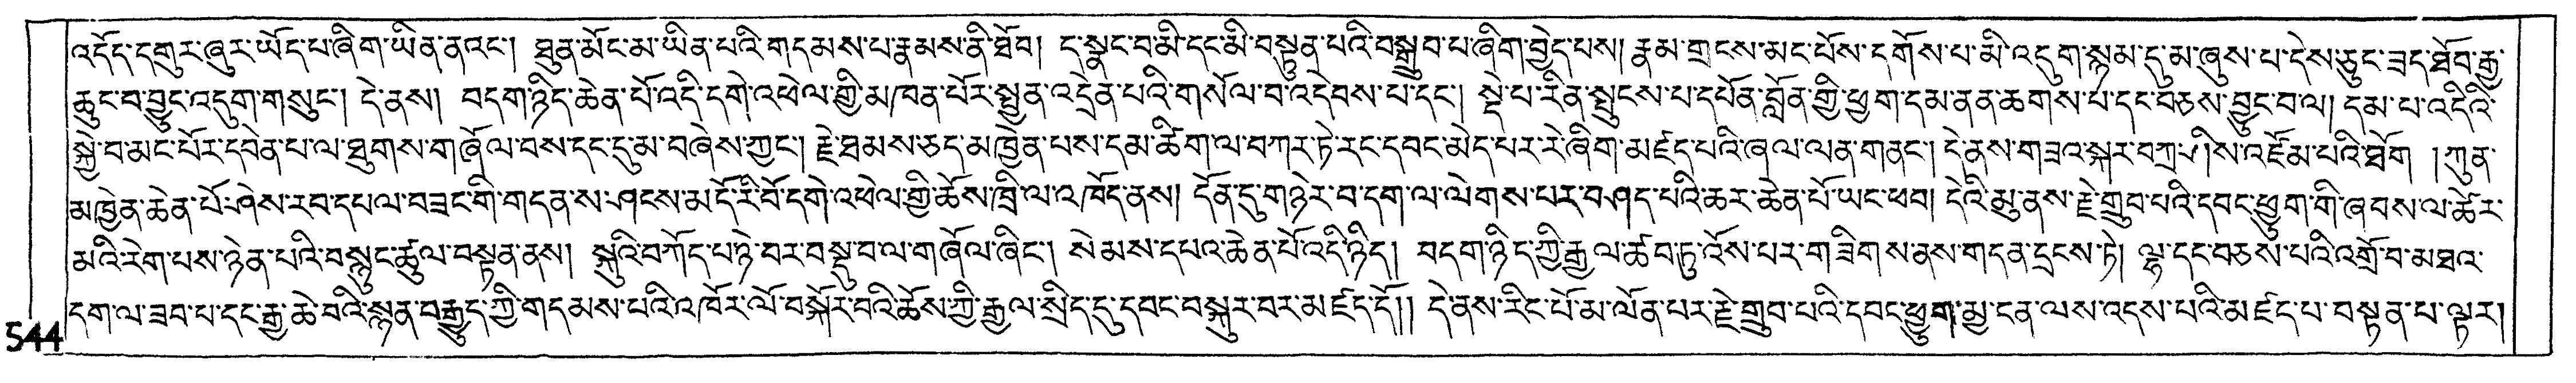འདོད་དགུར་ཞུར་ཡོད་པ་ཞིག་ཡིན་ནའང་། ཐུན་མོང་མ་ཡིན་པའི་གདམས་པ་རྣམས་ནི་ཐོབ། ད་སྣང་བ་མི་དང་མི་བསྟུན་པའི་བསྒྲུབ་པ་ཞིག་བྱེད་པས། རྣམ་གྲངས་མང་པོས་དགོས་པ་མི་འདུག་སྙམ་དུ་མ་ཞུས་པ་དེས་ཅུང་ཟད་ཐོབ་རྒྱ་
ཆུང་བ་བྱུང་འདུག་གསུང་། དེ་ནས། བདག་ཉིད་ཆེན་པོ་འདི་དགེ་འཕེལ་གྱི་མཁན་པོར་སྤྱན་འདྲེན་པའི་གསོལ་བ་འདེབས་པ་དང་། སྡེ་པ་རིན་སྤུངས་པ་དཔོན་བློན་གྱི་ཕྱག་དམ་ནན་ཆགས་པ་དང་བཅས་བྱུང་བ་ལ། དམ་པ་འདིའི་
སྐྱེ་བ་མང་པོར་དབེན་པ་ལ་ཐུགས་གཞོལ་བས་དང་དུ་མ་བཞེས་ཀྱང་། རྗེ་ཐམས་ཅད་མཁྱེན་པས་དམ་ཚིག་ལ་བཀར་ཏེ་རང་དབང་མེད་པར་རེ་ཞིག་མཛད་པའི་ཞལ་ལན་གནང་། དེ་ནས་གཟའ་སྐར་བཀྲ་ཤིས་འཛོམ་པའི་ཐོག །ཀུན་
མཁྱེན་ཆེན་པོ་ཤེས་རབ་དཔལ་བཟང་གི་གདན་ས་ཤངས་མདོ་རི་བོ་དགེ་འཕེལ་གྱི་ཆོས་ཁྲི་ལ་འཁོད་ནས། དོན་དུ་གཉེར་བ་དག་ལ་ལེགས་པར་བཤད་པའི་ཆར་ཆེན་པོ་ཡང་ཕབ། དེའི་མུ་ནས་རྗེ་གྲུབ་པའི་དབང་ཕྱུག་གི་ཞབས་ལ་ཚེར་
མའི་རེག་པས་ཉེན་པའི་བསྙུང་ཚུལ་བསྟན་ནས། སྐུའི་བཀོད་པ་ཉེ་བར་བསྡུ་བ་ལ་གཞོལ་ཞིང་། སེམས་དཔའ་ཆེན་པོ་འདི་ཉིད། བདག་ཉིད་ཀྱི་རྒྱལ་ཚབ་ཏུ་འོས་པར་གཟིགས་ནས་གདན་དྲངས་ཏེ། ལྷ་དང་བཅས་པའི་འགྲོ་བ་མཐའ་
དག་ལ་ཟབ་པ་དང་རྒྱ་ཆེ་བའི་སྙན་བརྒྱུད་ཀྱི་གདམས་པའི་འཁོར་ལོ་བསྐོར་བའི་ཆོས་ཀྱི་རྒྱལ་སྲིད་དུ་དབང་བསྐུར་བར་མཛད་དོ། །དེ་ནས་རིང་པོ་མ་ལོན་པར་རྗེ་གྲུབ་པའི་དབང་ཕྱུག་མྱ་ངན་ལས་འདས་པའི་མཛད་པ་བསྟན་པ་ལྟར།